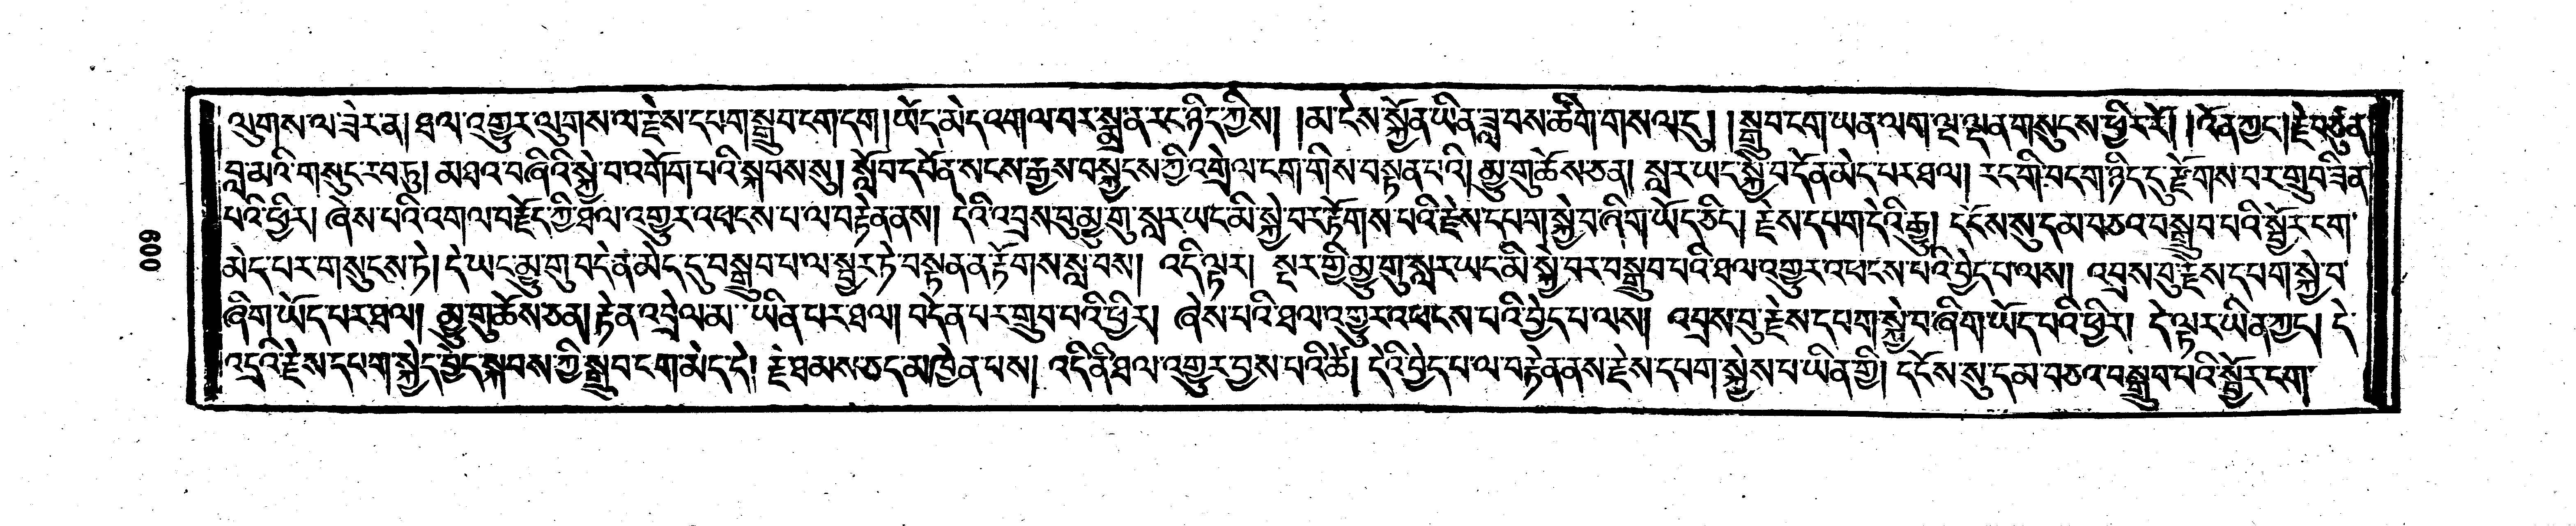ལུགས་ལ་ཟེར་ན། ཐལ་འགྱུར་ལུགས་ལ་རྗེས་དཔག་སྒྲུབ་ངག་དག །ཡོད་མེད་འགལ་བར་སྨྲ་ན་རང་ཉིད་ཀྱིས། །མ་ངེས་སྐྱོན་ཡིན་ཟླ་བས་ཚིག་གསལ་དུ། །སྒྲུབ་ངག་ཡན་ལག་ལྔ་ལྡན་གསུངས་ཕྱིར་རོ། །འོན་ཀྱང་། རྗེ་བཙུན་
བླ་མའི་གསུང་རབ་ཏུ། མཐའ་བཞིའི་སྐྱེ་བ་འགོག་པའི་སྐབས་སུ། སློབ་དཔོན་སངས་རྒྱས་བསྐྱངས་ཀྱི་འགྲེལ་དག་གིས་བསྟན་པའི། མྱུ་གུ་ཆོས་ཅན། སླར་ཡང་སྐྱེ་བ་དོན་མེད་པར་ཐལ། རང་གི་བདག་ཉིད་དུ་རྫོགས་པར་གྲུབ་ཟིན་
པའི་ཕྱིར། ཞེས་པའི་འགལ་བརྗོད་ཀྱི་ཐལ་འགྱུར་འཕངས་པ་ལ་བརྟེན་ནས། དེའི་འབྲས་བུ་མྱུ་གུ་སླར་ཡང་མི་སྐྱེ་བར་རྟོགས་པའི་རྗེས་དཔག་སྐྱེ་བ་ཞིག་ཡོད་ཅིང་། རྗེས་དཔག་དེའི་རྒྱུ། དངོས་སུ་དམ་བཅའ་བསྒྲུབ་པའི་སྦྱོར་ངག་
མེད་པར་གསུངས་ཏེ། དེ་ཡང་མྱུ་གུ་བདེན་མེད་དུ་བསྒྲུབ་པ་ལ་སྦྱར་ཏེ་བསྟན་ན་རྟོགས་སླ་བས། འདི་ལྟར། སྔར་གྱི་མྱུ་གུ་སླར་ཡང་མི་སྐྱེ་བར་བསྒྲུབ་པའི་ཐལ་འགྱུར་འཕངས་པའི་བྱེད་པ་ལས། འབྲས་བུ་རྗེས་དཔག་སྐྱེ་བ་
ཞིག་ཡོད་པར་ཐལ། མྱུ་གུ་ཆོས་ཅན། རྟེན་འབྲེལ་མ་ཡིན་པར་ཐལ། བདེན་པར་གྲུབ་པའི་ཕྱིར། ཞེས་པའི་ཐལ་འགྱུར་འཕངས་པའི་བྱེད་པ་ལས། འབྲས་བུ་རྗེས་དཔག་སྐྱེ་བ་ཞིག་ཡོད་པའི་ཕྱིར། དེ་ལྟར་ཡིན་ཀྱང་། དེ་
འདྲའི་རྗེས་དཔག་སྐྱེད་བྱེད་སྐབས་ཀྱི་སྒྲུབ་ངག་མེད་དེ། རྗེ་མཐམས་ཅད་མཁྱེན་པས། འདི་ནི་ཐལ་འགྱུར་བྱས་པའི་ཚེ། དེའི་བྱེད་པ་ལ་བརྟེན་ནས་རྗེས་དཔག་སྐྱེས་པ་ཡིན་གྱི། དངོས་སུ་དམ་བཅའ་བསྒྲུབ་པའི་སྦྱོར་ངག་